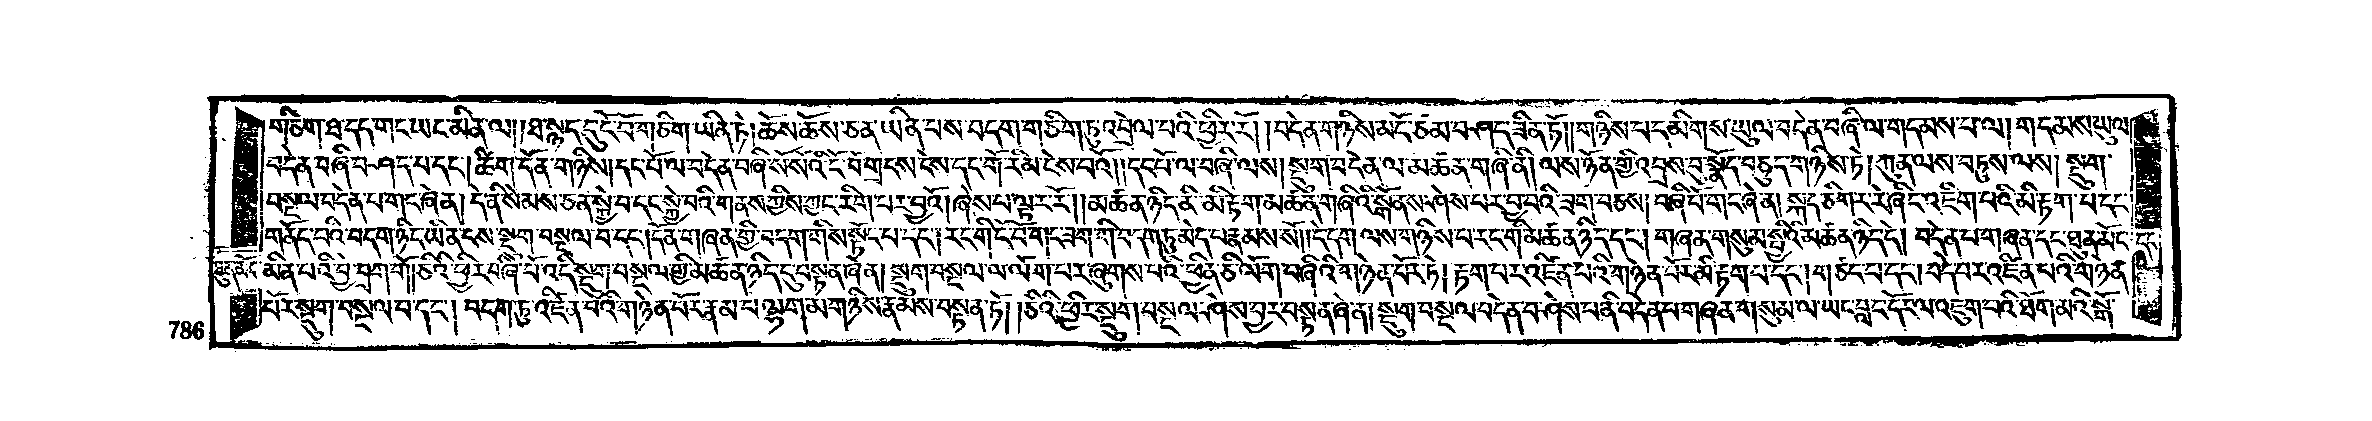གཅིག་ཐ་དད་གང་ཡང་མིན་ལ། །ཐ་སྙད་དུ་ངོ་བོ་གཅིག་ཡིན་ཏེ། ཆོས་ཆོས་ཅན་ཡིན་པས་བདག་གཅིག་ཏུ་འབྲེལ་བའི་ཕྱིར་རོ། །བདེན་གཉིས་མདོ་ཙམ་བཤད་ཟིན་ཏོ། །གཉིས་པ་དམིགས་ཡུལ་བདེན་བཞི་ལ་གདམས་པ་ལ། གདམས་ཡུལ་
བདེན་བཞི་བཤད་པ་དང་། ཚིག་དོན་གཉིས། དང་པོ་ལ་བདེན་བཞི་སོ་སོའི་ངོ་བོ་གྲངས་ངེས་དང་གོ་རིམ་ངེས་པའོ། །དང་པོ་ལ་བཞི་ལས། སྡུག་བདེན་ལ་མཚན་གཞི་ནི། ལས་ཉོན་གྱི་འབྲས་བུ་སྣོད་བཅུད་གཉིས་ཏེ། ཀུན་ལས་བཏུས་ལས། སྡུག་
བསྔལ་བདེན་པ་གང་ཞེ་ན། དེ་ནི་སེམས་ཅན་སྐྱེ་བ་དང་སྐྱེ་བའི་གནས་ཀྱིས་ཀྱང་རིག་པར་བྱའོ། ཞེས་པ་ལྟར་རོ། །མཚན་ཉིད་ནི་མི་རྟག་མཚན་གཞིའི་སྒོ་ནས་ཤེས་པར་བྱ་བའི་ཟག་བཅས། བཞི་པོ་གང་ཞེ་ན། སྐད་ཅིག་རེ་རེ་ཞིང་འཇིག་པའི་མི་རྟག་པ་དང་
གནོད་པའི་བདག་ཉིད་ཡིན་ངེས་སྡུག་བསྔལ་བ་དང་། དོན་གཞན་གྱི་བདག་གིས་སྟོང་བ་དང་། རང་གི་ངོ་བོ་གང་ཟག་གི་བདག་ཏུ་མེད་པ་རྣམས་སོ། །དེ་དག་ལས་གཉིས་པ་རང་གི་མཚན་ཉིད་དང་། གཞན་གསུམ་སྤྱིའི་མཚན་ཉིད་དེ། བདེན་པ་གཞན་དང་ཐུན་མོང་
ཐུན་མོང་མིན་པའི་བྱེ་བྲག་གོ། ཅིའི་ཕྱིར་བཞི་པོ་འདི་སྡུག་བསྔལ་གྱི་མཚན་ཉིད་དུ་བསྟན་ཞེ་ན། སྡུག་བསྔལ་ལ་ལོག་པར་ཞུགས་པའི་ཕྱིན་ཅི་ལོག་བཞིའི་གཉེན་པོར་ཏེ། རྟག་པར་འཛིན་པའི་གཉེན་པོར་མི་རྟག་པ་དང་། གཙང་བ་དང་། བདེན་པར་འཛིན་པའི་གཉེན་
པོར་སྡུག་བསྔལ་བ་དང་། བདག་ཏུ་འཛིན་པའི་གཉེན་པོར་རྣམ་པ་ལྷག་མ་གཉིས་རྣམས་བསྟན་ཏོ། །ཅིའི་ཕྱིར་སྡུག་བསྔལ་ཤེས་བྱར་བསྟན་ཞེ་ན། སྡུག་བསྔལ་བདེན་པ་ཤེས་པ་ནི་བདེན་པ་གཞན་གསུམ་ལ་ཡང་བླང་དོར་ལ་འཇུག་པའི་ཐོག་མའི་སྒོ་